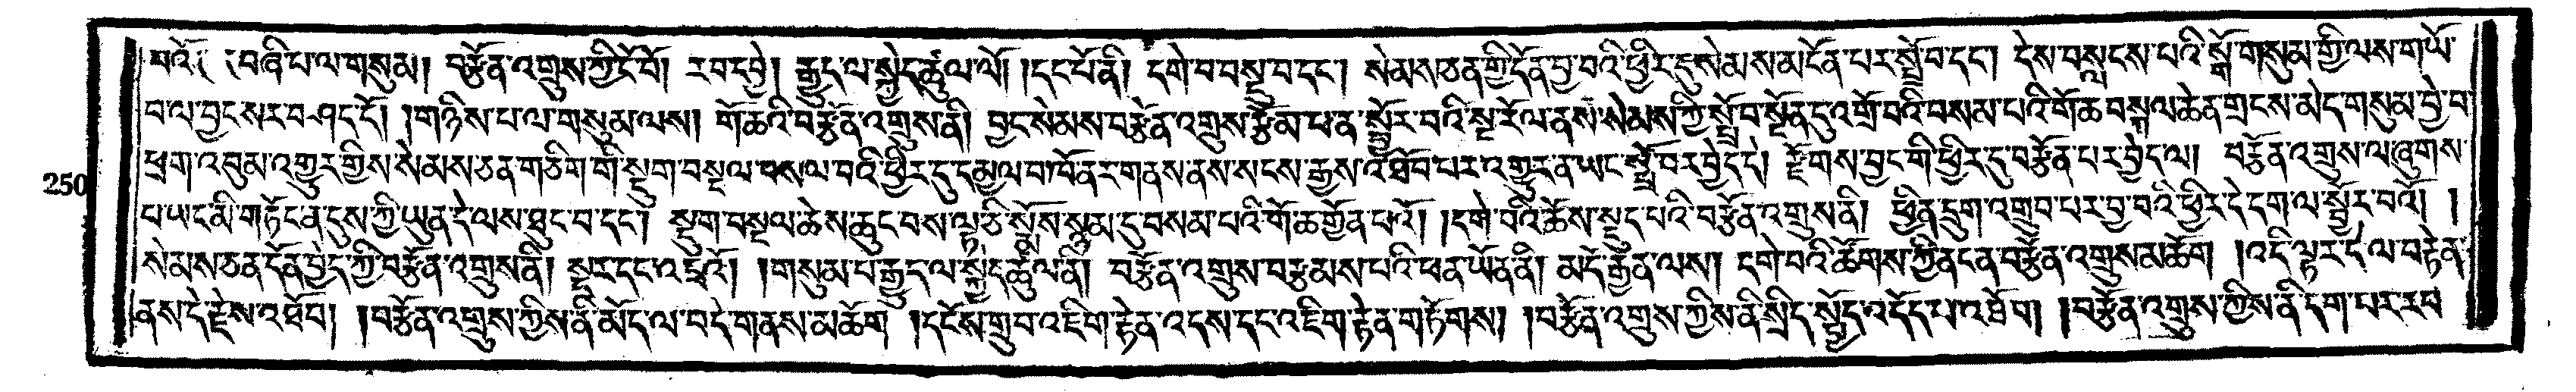པའོ༑ ༑བཞི་པ་ལ་གསུམ། བརྩོན་འགྲུས་ཀྱི་ངོ་བོ། རབ་དབྱེ། རྒྱུད་ལ་སྐྱེད་ཚུལ་ལོ། །དང་པོ་ནི། དགེ་བ་བསྡུ་བ་དང་། སེམས་ཅན་གྱི་དོན་བྱ་བའི་ཕྱིར་དུ་སེམས་མངོན་པར་སྤྲོ་བ་དང་། དེས་བསླངས་པའི་སྒོ་གསུམ་གྱི་ལས་གཡོ་
བ་ལ་བྱང་སར་བཤད་དོ། །གཉིས་པ་ལ་གསུམ་ལས། གོ་ཆའི་བརྩོན་འགྲུས་ནི། བྱང་སེམས་བརྩོན་འགྲུས་རྩོམ་པ་ན་སྦྱོར་བའི་སྔ་རོལ་ནས་སེམས་ཀྱི་སྤྲོ་བ་སྔོན་དུ་འགྲོ་བའི་བསམ་པའི་གོ་ཆ་བསྐལ་ཆེན་གྲངས་མེད་གསུམ་བྱེ་བ་
ཕྲག་འབུམ་འགྱུར་གྱིས་སེམས་ཅན་གཅིག་གི་སྡུག་བསྔལ་བསལ་བའི་ཕྱིར་དུ་དམྱལ་བ་ཁོ་ནར་གནས་ནས་སངས་རྒྱས་འཐོབ་པར་འགྱུར་ན་ཡང་སྤྲོ་བར་བྱེད་དེ། རྫོགས་བྱང་གི་ཕྱིར་དུ་བརྩོན་པར་བྱེད་ལ། བརྩོན་འགྲུས་ལ་ཞུགས་
པ་ཡང་མི་གཏོང་ན་དུས་ཀྱི་ཡུན་དེ་ལས་ཐུང་བ་དང་། སྡུག་བསྔལ་ཆེས་ཆུང་བས་ལྟ་ཅི་སྨོས་སྙམ་དུ་བསམ་པའི་གོ་ཆ་གྱོན་པའོ། །དགེ་བའི་ཆོས་སྡུད་པའི་བརྩོན་འགྲུས་ནི། ཕྱིན་དྲུག་འགྲུབ་པར་བྱ་བའི་ཕྱིར་དེ་དག་ལ་སྦྱོར་བའོ། །
སེམས་ཅན་དོན་བྱེད་ཀྱི་བརྩོན་འགྲུས་ནི། སྔར་དང་འདྭའོ། །གསུམ་པ་རྒྱུད་ལ་སྐྱེད་ཚུལ་ནི། བརྩོན་འགྲུས་བརྩམས་པའི་ཕན་ཡོན་ནི། མདོ་རྒྱན་ལས། དགེ་བའི་ཚོགས་ཀྱི་ནང་ན་བརྩོན་འགྲུས་མཆོག །འདི་ལྟར་དེ་ལ་བརྟེན་
ནས་དེ་རྗེས་འཐོབ། །བརྩོན་འགྲུས་ཀྱིས་ནི་མོད་ལ་བདེ་གནས་མཆོག །དངོས་གྲུབ་འཇིག་རྟེན་འདས་དང་འཇིག་རྟེན་གཏོགས། །བརྩོན་འགྲུས་ཀྱིས་ནི་སྲིད་སྤྱོད་འདོད་པ་འཐོབ། །བརྩོན་འགྲུས་ཀྱིས་ནི་དག་པར་རབ་